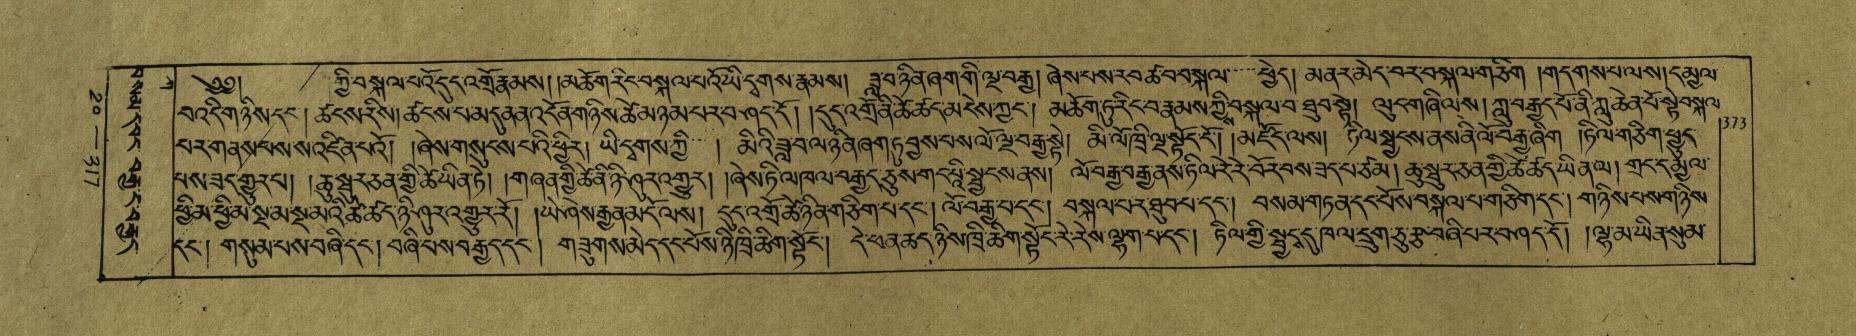༄༅། །གྱི་བསྐལ་པའོ་དུད་འགྲོ་རྣམས། །མཆོག་རིང་བསྐལ་པའོ་ཡི་དྭགས་རྣམས། ཟླ་བ་ཉིན་ཞག་གི་ལྔ་བརྒྱ། ཞེས་པས་རབ་ཚ་བ་བསྐལ་ཕྱེད། མནར་མེད་བར་བསྐལ་གཅིག །གདགས་པ་ལས། དམྱལ་
བ་འདི་གཉིས་དང་། ཚངས་རིས། ཚངས་པ་མདུན་ན་འདོན་གཉིས་ཚེ་མཉམ་པར་བཤད་དོ། །དུད་འགྲོ་ནི་ཚེ་ཚད་མངེས་ཀྱང་། མཆོག་ཏུ་རིང་བ་རྣམས་ཀྱིས་བསྐལ་བ་ཐུབ་སྟེ། ལུང་གཞི་ལས། ཀླུ་བརྒྱད་པོ་ནི་ཀླུ་ཆེན་པོ་སྟེ་བསྐལ་
པར་གནས་པས་ས་འཛིན་པའོ། །ཞེས་གསུངས་པའི་ཕྱིར། ཡི་དྭགས་ཀྱི། མིའི་ཟླ་བ་ལ་ཉིན་ཞག་ཏུ་བྱས་པས་ལོ་ལྔ་བརྒྱ་སྟེ། མི་ལོ་ཁྲི་ལྔ་སྟོང་ངོ། །མཛོད་ལས། ཏིལ་སྦྱངས་ནས་ནི་ལོ་བརྒྱ་ཞིག །ཏིལ་གཅིག་ཕྱུད་
པས་ཟད་གྱུར་པ། །ཆུ་སྦུར་ཅན་གྱི་ཚེ་ཡིན་ཏེ། །གཞན་གྱི་ཚེ་ནི་ཉི་ཤུར་འགྱུར། །ཞེས་ཏི་ལ་ཁལ་བརྒྱད་ཅུས་གང་པའི་སྦྱངས་ནས། ལོ་བརྒྱ་བརྒྱ་ནས་ཏིལ་རེ་རེ་བོར་བས་ཟད་པ་ཙམ། ཆུ་སྦུར་ཅན་གྱི་ཚེ་ཚད་ཡིན་ལ། གྲང་དམྱལ་
ཕྱི་མ་ཕྱི་མ་སྔ་མ་སྔ་མའི་ཚེ་ཚད་ཉི་ཤུར་འགྱུར་རོ། །ཡེ་ཤེས་རྒྱན་མདོ་ལས། དུད་འགྲོ་ཚེ་ཉིན་གཅིག་པ་དང་། ལོ་བརྒྱ་པ་དང་། བསྐལ་པར་ཐུབ་པ་དང་། བསམ་གཏན་དང་པོས་བསྐལ་པ་གཅིག་དང་། གཉིས་པས་གཉིས་
དང་། གསུམ་པས་བཞི་དང་། བཞི་པས་བརྒྱད་དང་། གཟུགས་མེད་དང་པོས་ཉི་ཁྲི་ཆིག་སྟོང་། དེ་ཕན་ཆད་ཉིས་ཁྲི་ཆིག་སྟོང་རེ་རེས་ལྷག་པ་དང་། ཏིལ་གྱི་སྦྱངས་དུ་ཁལ་དྲུག་ཅུ་རྩ་བཞི་པར་བཤད་དོ། །ལྷ་མ་ཡིན་སུམ་